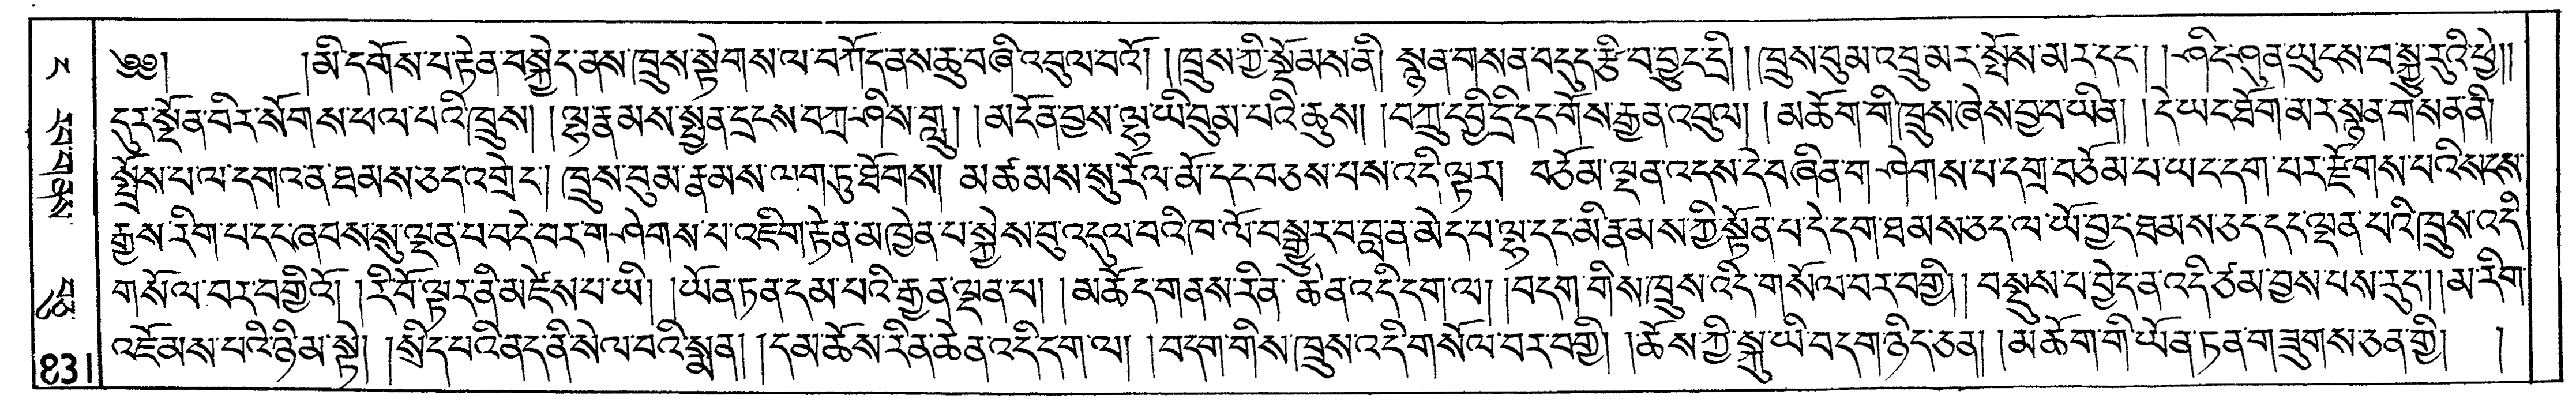༄༅། །མི་དགོས་པ་རྟེན་བསྐྱེད་ནས་ཁྲུས་སྟེགས་ལ་བཀོད་ནས་ཆུ་བཞི་འབུལ་བའོ། །ཁྲུས་ཀྱི་སྡོམས་ནི། སྙན་གསན་བདུད་རྩི་བ་བྱུང་དྲི། །ཁྲུས་བུམ་འབྲུ་མར་སྤོས་མར་དང་། །ཤིང་ཤུན་ཡུངས་བ་སྐྱུ་རུའི་ཕྱེ། །
དུར་སྔོན་བིར་སོགས་ཕལ་པའི་ཁྲུས། །ལྷ་རྣམས་སྤྱན་དྲངས་བཀྲ་ཤིས་གླུ། །མངོན་བྱས་ལྷ་ཡི་བུམ་པའི་ཆུས། །བཀྲུ་དབྱི་དྲི་དང་གོས་རྒྱན་འབུལ། །མཆོག་གི་ཁྲུས་ཞེས་བྱ་བ་ཡིན། །དེ་ཡང་ཐོག་མར་སྙན་གསན་ནི།
སྤྲོས་པ་ལ་དགའ་ན་ཐམས་ཅད་འགྲེང་། ཁྲུས་བུམ་རྣམས་ལག་ཏུ་ཐོགས། མཚམས་སུ་རོལ་མོ་དང་བཅས་པས་འདི་ལྟར། བཅོམ་ལྡན་འདས་དེ་བཞིན་གཤེགས་པ་དགྲ་བཅོམ་པ་ཡང་དག་པར་རྫོགས་པའི་སངས་
རྒྱས་རིག་པ་དང་ཞབས་སུ་ལྡན་པ་བདེ་བར་གཤེགས་པ་འཇིག་རྟེན་མཁྱེན་པ་སྐྱེས་བུ་འདུལ་བའི་ཁ་ལོ་བསྒྱུར་བ་བླ་ན་མེད་པ་ལྷ་དང་མི་རྣམས་ཀྱི་སྟོན་པ་དེ་དག་ཐམས་ཅད་ལ་ཡོ་བྱད་ཐམས་ཅད་དང་ལྡན་པའི་ཁྲུས་འདི་
གསོལ་བར་བགྱིའོ། །རི་བོ་ལྟར་ནི་མཛེས་པ་ཡི། །ཡོན་ཏན་དམ་པའི་རྒྱན་ལྡན་པ། །མཆོད་གནས་རིན་ཆེན་འདི་དག་ལ། །བདག་གིས་ཁྲུས་འདི་གསོལ་བར་བགྱི། །བསྡུས་པ་བྱེད་ན་འདི་ཙམ་བྱས་པས་རུང་། །མ་རིག་
འཇོམས་པའི་ཉི་མ་སྟེ། །སྲིད་པའི་ནད་ནི་སེལ་བའི་སྨན། །དམ་ཆོས་རིན་ཆེན་འདི་དག་ལ། །བདག་གིས་ཁྲུས་འདི་གསོལ་བར་བགྱི། །ཆོས་ཀྱི་སྐུ་ཡི་བདག་ཉིད་ཅན། །མཆོག་གི་ཡོན་ཏན་གཟུགས་ཅན་གྱི། །